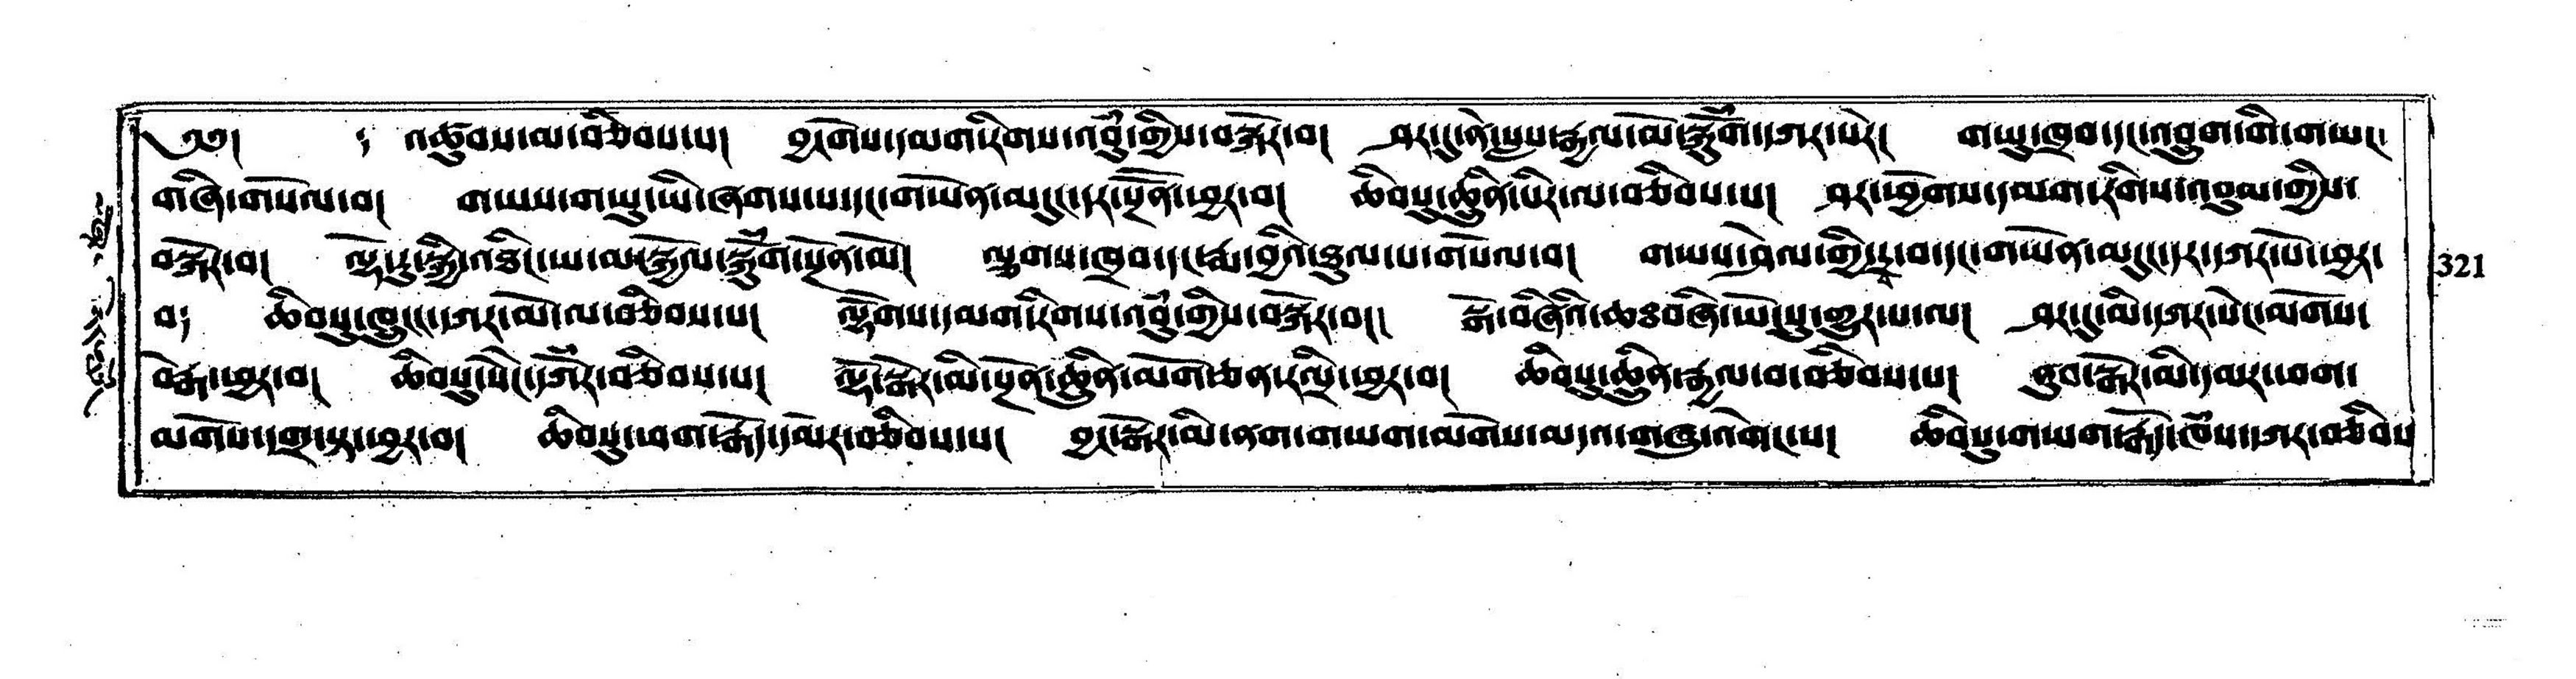འཚུབས་མ་བཅིབས་པ། བྱང་ཕྱོགས་དམག་རིགས་འབུམ་གྱིས་བསྐོར་བ། ཤར་དུ་ནེ་སླས་རྒྱལ་མོ་སྐུ་མདོག་དཀར་སེར། གཡུ་ཁྲབ་དང་འབྲུག་གི་གཡང་
གཞི་གསོལ་བ། གཡས་གཡུ་ཡི་ཞགས་པ་དང་གཡོན་མདུང་དར་སྔོན་པོ་ཕྱར་བ། ཆིབས་སུ་ཆུ་སྲིན་པིར་ལ་བཅིབས་པ། ཤར་ཕྱོགས་དམག་རིགས་འབུམ་གྱིས་
བསྐོར་བ། ལྷོ་རུ་སྐྱི་འཐིང་ཡ་མ་སྐྱོལ་སྐུ་མདོག་སྔོན་མོ། ལྕགས་ཁྲབ་དང་རྨ་བྱའི་ཐུལ་པ་གསོལ་བ། གཡས་ཤེལ་གྱི་དྲྭ་བ་དང་གཡོན་མདུང་དར་དཀར་པོ་ཕྱར་
བ། ཆིབས་སུ་ཁྲུང་ཁྲུང་དཀར་མོ་ལ་བཅིབས་པ། ལྷོ་ཕྱོགས་དམག་རིགས་འབུམ་གྱིས་བསྐོར་བ།། སྒོ་བཞིའི་ཆཿབཞི་ཡོངས་སུ་གྱུར་པ་ལ། ཤར་དུ་མི་དཀར་སེང་མགོས་
བེརྒ་ཕྱར་བ། ཆིབས་སུ་སེང་གེ་དཀར་མོ་བཅིབས་པ། ལྷོ་སྒོར་མི་སྔོན་ཆུ་སྲིན་མགོ་ཅན་རལ་གྲི་ཕྱར་བ། ཆིབས་སུ་ཆུ་སྲིན་རྒྱལ་བ་བཅིབས་པ། ནུབ་སྒོར་མི་དམར་ཕག་
མགོས་དགྲ་སྟ་ཕྱར་བ། ཆིབས་སུ་ཕག་རྒོད་དམར་པོ་བཅིབས་པ། བྱང་སྒོར་མི་ནག་གཡག་མགོས་མདའ་གཞུ་འགེང་པ། ཆིབས་སུ་གཡག་རྒོད་ཁམས་དཀར་བཅིབས་